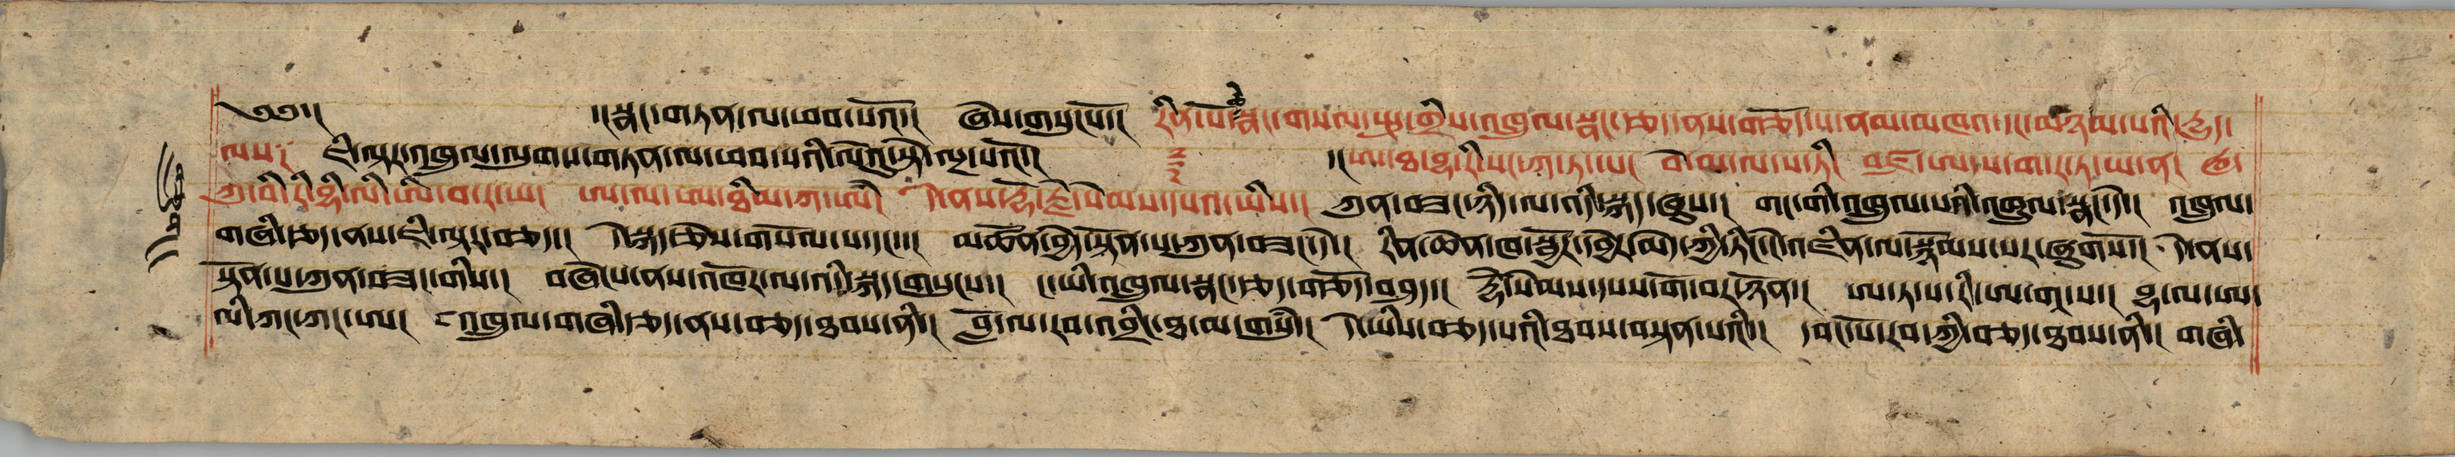༄༅་། ་།སྣང་གཏན་ལ་ཕབ་པའོ་། ཞེས་གསུངསོ་། རིན་པོ་སྣང་གསལ་སྤུ་གྲིས་འཁྲུལ་སྣང་རྩད་ནས་གཅོད་པ་ནམ་མཁའ་དང་མཉམ་པའི་དྱུད་
པས༑ ཇི་ལྟར་འཁྲུལ་ལུགས་གཏན་ལ་ཕབ་པའི་ལེའུ་སྟེ་ལྔ་པའོ་། ࿑ ་།ཨ་ཐ་བྷ་རི་སང་ཀ་ཏ་པ། བེ་མ་ལ་པ་ཏཱི། བཛྲ་ཨ་ས་ག་ར་ཏ་ཡ་ན། ཝ་
ཀུ་བི་རི་བྷི་ལི་ཨི་བ་ར་ཡ། ཨ་ལ་ཨ་ཐིམ་ཀ་ཨཾ། དེ་ནས་རྡོ་རྗེ་སེམས་དཔའ་ཡིས་། ཀུན་བཟང་ཉིད་ལ་འདི་སྐད་ཞུས་། གང་གི་འཁྲུལ་པའི་འཁྲུལ་སྣང་དེ་། འཁྲུལ་
གཞི་རྩད་ནས་ཇི་ལྟར་བཅད་། དེ་སྐད་ཅེས་གསོལ་པ་དང་་། མཚོན་བྱེད་སྟོན་པ་ཀུན་བཟང་དེ་། རིན་ཆེན་ཁ་སྦྱོར་དབྱེར་མེད་ཀྱི་ཏིང་ངེ་འཛིན་ལ་སྙོམས་པར་ཞུགསོ་། དེ་ནས་
སྟོན་པ་ཀུན་བཟང་གིས་། བཞེངས་ནས་འཁོར་ལ་འདི་སྐད་གསུངས་། ང་ཡི་འཁྲུལ་སྣང་རྩད་གཅོད་བཤད་། རྡོེ་སེམས་དཔས་གོ་བར་ཉོན་། ཨ་ཏ་པ་རི་ཨ་གཱ་ས་། བྷ་ལ་ཨ་
ལི་ཀང་ཀང་ཨ་། འཁྲུལ་གཞི་རྩད་ནས་བཅད་ཐབས་ནི་། བློ་ལ་རབ་འབྲིང་ཐ་མ་གསུཾ་། དེ་ཡིས་བཅད་པའི་ཐབས་བསྟན་པའི་། དབང་པོ་རབ་ཀྱི་བཅད་ཐབས་ནི་། གཞི་